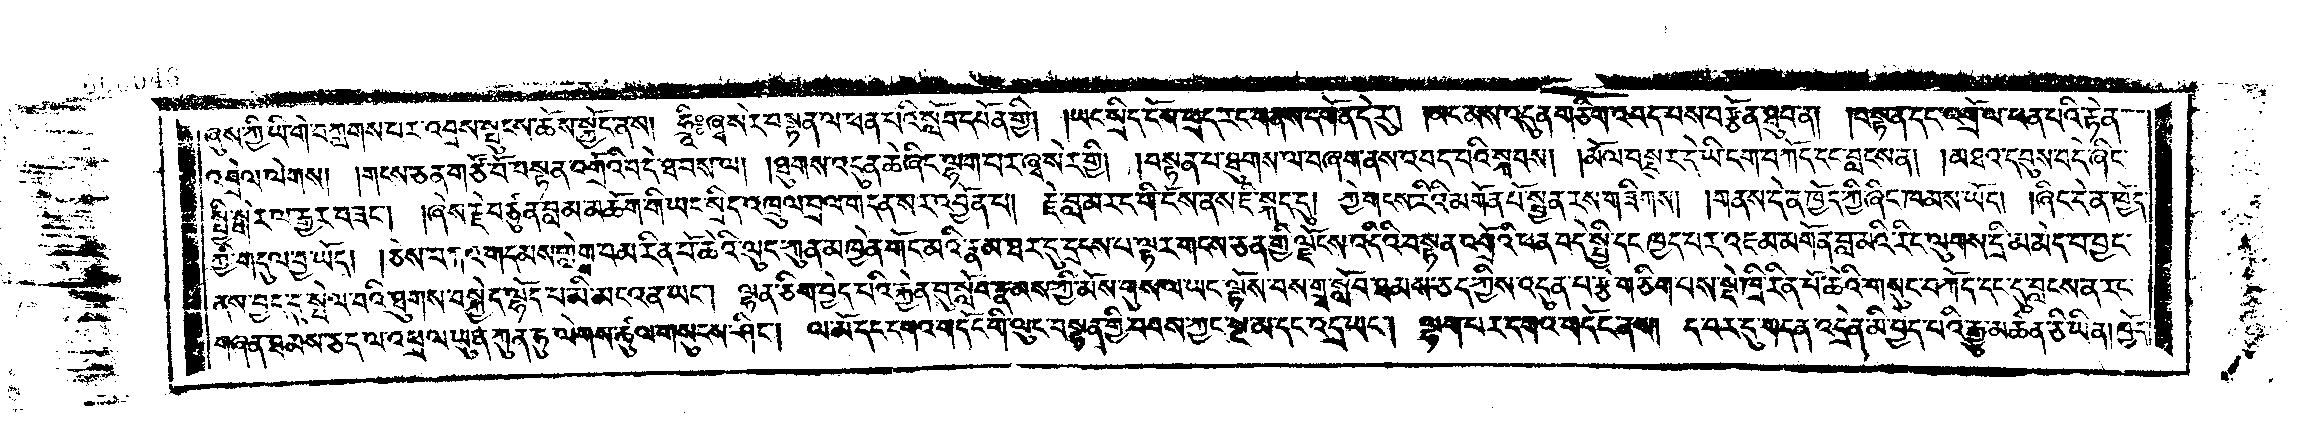ཞུས་ཀྱི་ཡི་གེ་བཀླགས་པར་འབྲས་སྤུངས་ཆོས་སྐྱོང་ནས། ཧྲཱིཿ་ཞྭ་སེར་བསྟན་ལ་ཕན་པའི་སློབ་དཔོན་གྱི། །ཡང་སྲིད་ངོས་ཕྲད་རང་གནས་དགོན་དེ་རུ། །མང་མས་འདུན་གཅིག་འབད་པས་བརྩོན་ཐུབ་ན། །བསྟན་དང་འགྲོ་ལ་ལན་པའི་རྟེན་
འབྲེལ་ལེགས། །གངས་ཅན་གཙོ་བོ་བསྟན་འགྲོའི་བདེ་ཐབས་ལ། །ཐུགས་འདུན་ཆེ་ཞིང་ལྷག་པར་ཞྭ་སེར་གྱི། །བསྟན་པ་ཐུགས་ལ་བཞག་ནས་འབད་པའི་སྐབས། །མོལ་བསྡུར་དེ་ཡི་ངག་བཀོད་དང་བླངས་ན། །མཐའ་དབུས་བདེ་ཞིང་
སྤྱི་སྒེར་ལ་རྒྱར་བཟང་། །ཞེས་རྗེ་བཙུན་བླ་མ་མཆོག་གི་ཡང་སྲིད་འཁྲུལ་བྲལ་གདན་སར་འབྱོན་པ། རྗེ་བླ་མ་རང་གི་ངོས་ནས་ཇི་སྐད་དུ། ཀྱེ་གངས་རིའི་མགོན་པོ་སྤྱན་རས་གཟིགས། །གནས་དེ་ན་ཁྱོད་ཀྱི་ཞིང་ཁམས་ཡོད། །ཞིང་དེ་ན་ཁྱོད་
ཀྱི་གདུལ་བྱ་ཡོད། །ཅེས་བཀའ་གདམས་གླེགས་བམ་རིན་པོ་ཆེའི་ལུང་ཀུན་མཁྱེན་གོང་མའི་རྣམ་ཐར་དུ་དྲངས་པ་ལྟར་གངས་ཅན་གྱི་ལྗོངས་འདིའི་བསྟན་འགྲོའི་ཕན་བདེ་སྤྱི་དང་ཁྱད་པར་འཇམ་མགོན་བླ་མའི་རིང་ལུགས་དྲི་མ་མེད་པ་བྱང་
ནས་བྱང་དུ་སྤེལ་བའི་ཐུགས་བསྐྱེད་ལྷོད་པ་མི་མངའ་ན་ཡང་། ལྷན་ཅིག་བྱེད་པའི་རྐྱེན་བུ་སློབ་རྣམས་ཀྱི་མོས་གུས་ལ་ཡང་ལྟོས་བས་གྲྭ་སློབ་ཐམས་ཅད་ཀྱིས་འདུན་པ་རྩེ་གཅིག་པས་སྡེ་ཁྲི་རིན་པོ་ཆེའི་གསུང་བཀོད་དང་དུ་བླངས་ན་རང་
གཞན་ཐམས་ཅད་ལ་འཕྲལ་ཡུན་ཀུན་ཏུ་ལེགས་ཚུལ་གསུངས་ཤིང་། ལ་མོ་དང་དགའ་གདོང་གི་ལུང་བསྟན་གྱི་བབས་ཀྱང་སྔ་མ་དང་འདྲ་ཡང་། ལྷག་པར་དགའ་གདོང་ནས། ད་བར་དུ་གདན་འདྲེན་མི་བྱེད་པའི་རྒྱུ་མཚན་ཅི་ཡིན། ཁྱོད་